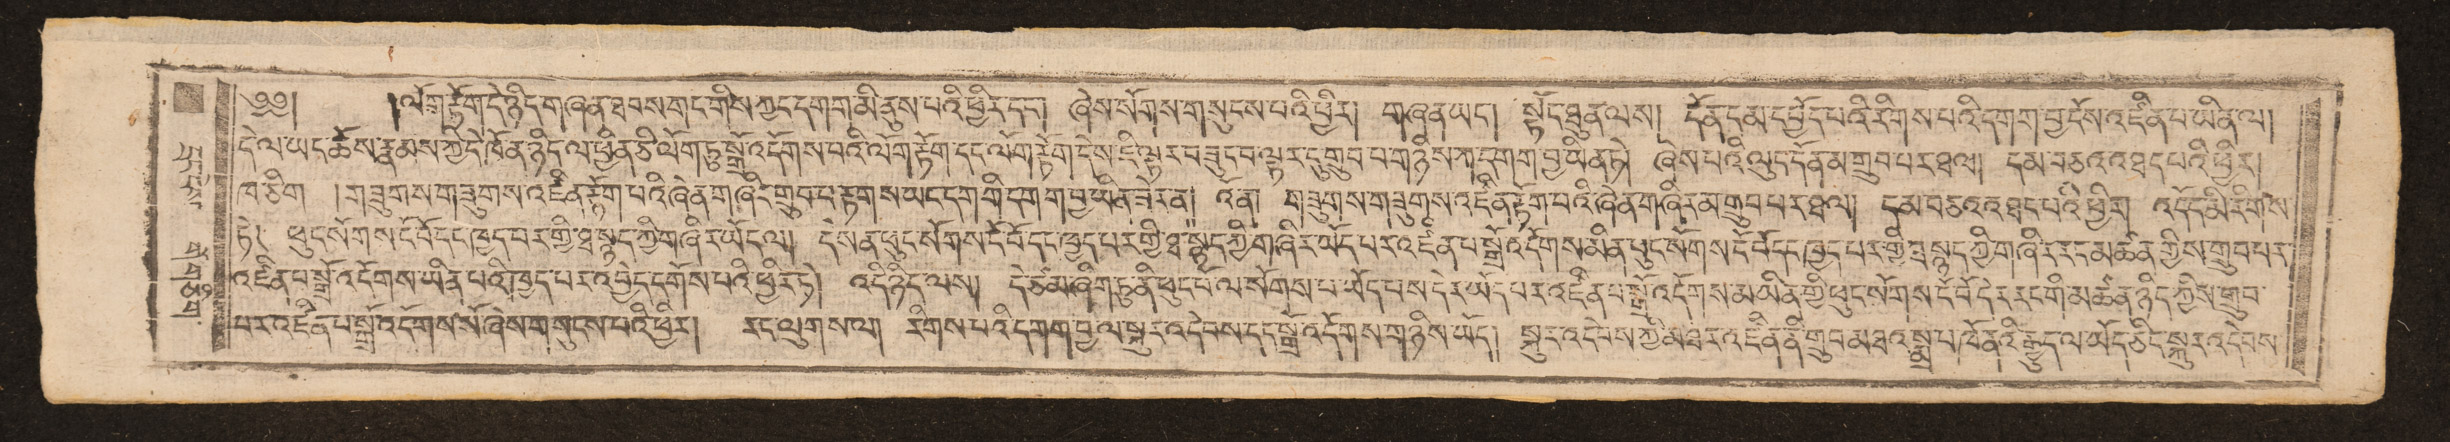༄༅། །ལོག་རྟོག་དེ་ཉིད་གཞན་ཐབས་གང་གིས་ཀྱང་དགག་མི་ནུས་པའི་ཕྱིར་དང་། ཞེས་སོགས་གསུངས་པའི་ཕྱིར། གཞན་ཡང་། སྟོང་ཐུན་ལས། དོན་དམ་དཔྱོད་པའི་རིགས་པའི་དགག་བྱ་ངོས་འཛིན་པ་ཡིན་ལ།
དེ་ལ་ཡང་ཆོས་རྣམས་ཀྱི་དེ་ཁོ་ན་ཉིད་ལ་ཕྱིན་ཅི་ལོག་ཏུ་སྒྲོ་འདོགས་པའི་ལོག་རྟོག་དང་ལོག་རྟོག་དེས་ཇི་ལྟར་བཟུང་བ་ལྟར་དུ་གྲུབ་པ་གཉིས་ཀ་དགག་བྱ་ཡིན་ཏེ། ཞེས་པའི་ལུང་དོན་མ་གྲུབ་པར་ཐལ། དམ་བཅའ་འཐད་པའི་ཕྱིར།
ཁ་ཅིག །གཟུགས་གཟུགས་འཛིན་རྟོག་པའི་ཞེན་གཞིར་གྲུབ་པ་རྟགས་ཡང་དག་གི་དགག་བྱ་ཡིན་ཟེར་ན། འོ་ན། གཟུགས་གཟུགས་འཛིན་རྟོག་པའི་ཞེན་གཞིར་མ་གྲུབ་པར་ཐལ། དམ་བཅའ་འཐད་པའི་ཕྱིར། འདོད་མི་རིགས་
ཏེ༑ ཕུང་སོགས་ངོ་བོ་དང་ཁྱད་པར་གྱི་ཐ་སྙད་ཀྱི་གཞིར་ཡོད་ལ། དེས་ན་ཕུང་སོགས་ངོ་བོ་དང་ཁྱད་པར་གྱི་ཐ་སྙད་ཀྱི་གཞིར་ཡོད་པར་འཛིན་པ་སྒྲོ་འདོགས་མིན་ཕུང་སོགས་ངོ་བོ་དང་ཁྱད་པར་གྱི་ཐ་སྙད་ཀྱི་གཞིར་རང་མཚན་གྱིས་གྲུབ་པར་
འཛིན་པ་སྒྲོ་འདོགས་ཡིན་པའི་ཁྱད་པར་འབྱེད་དགོས་པའི་ཕྱིར་ཏེ། འདི་ཉིད་ལས། དེ་ཙམ་ཞིག་ཏུ་ནི་ཕུང་པོ་ལ་སོགས་པ་ཡོད་པས་དེར་ཡོད་པར་འཛིན་པ་སྒྲོ་འདོགས་མ་ཡིན་གྱི་ཕུང་སོགས་ངོ་བོ་དེར་རང་གི་མཚན་ཉིད་ཀྱིས་གྲུབ་
པར་འཛིན་པ་སྒྲོ་འདོགས་སོ་ཞེས་གསུངས་པའི་ཕྱིར། རང་ལུགས་ལ། རིགས་པའི་དགག་བྱ་ལ་སྐུར་འདེབས་དང་སྒྲོ་འདོགས་གཉིས་ཡོད། སྐུར་འདེབས་ཀྱི་མཐར་འཛིན་ནི་གྲུབ་མཐའ་སྨྲ་པ་ཁོ་ནའི་རྒྱུད་ལ་ཡོད་ཅིང་སྐུར་འདེབས་